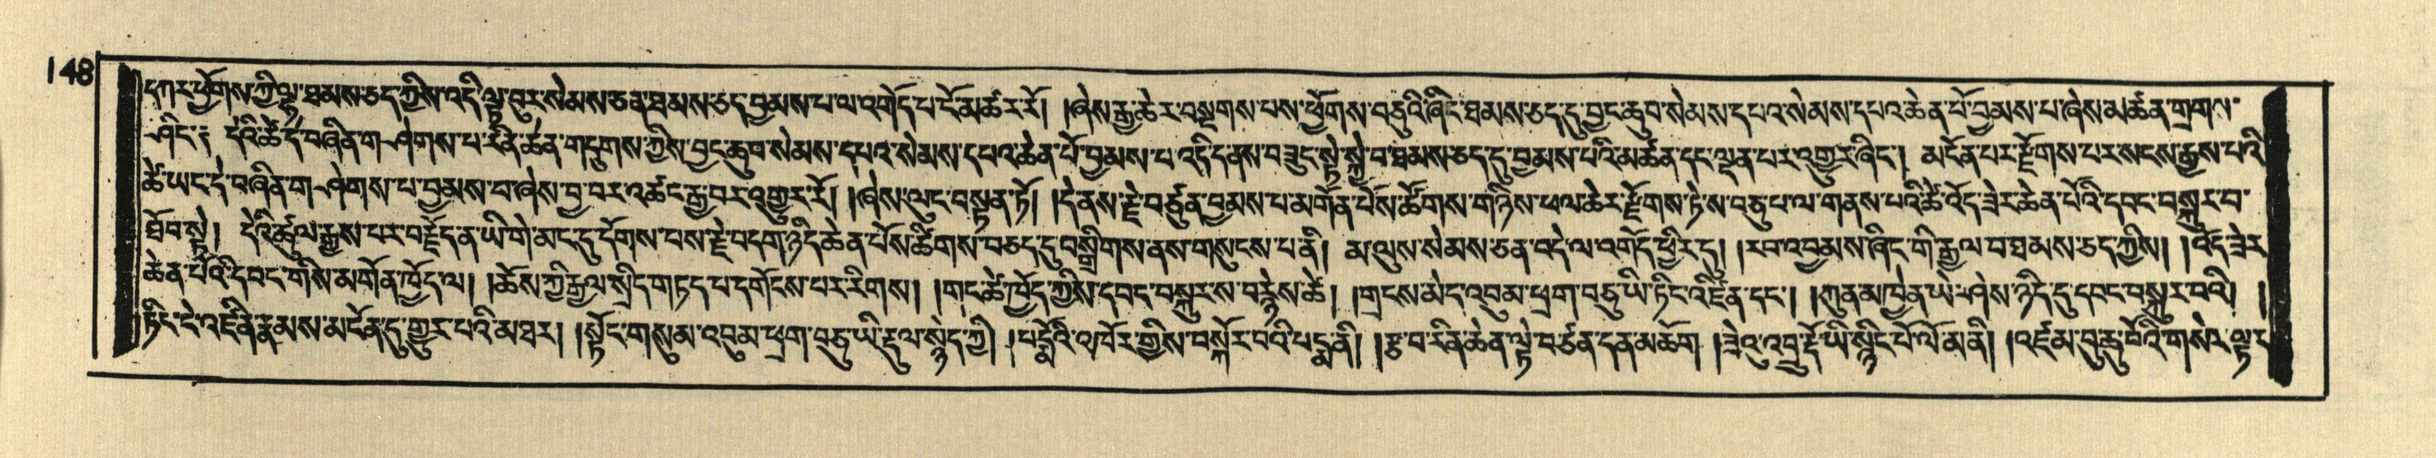དཀར་ཕྱོགས་ཀྱི་ལྷ་ཐམས་ཅད་ཀྱིས་འདི་ལྟ་བུར་སེམས་ཅན་ཐམས་ཅད་བྱམས་པ་ལ་འགོད་པ་ངོ་མཚར་རོ། །ཞེས་རྒྱ་ཆེར་བསྔགས་པས་ཕྱོགས་བཅུའི་ཞིང་ཐམས་ཅད་དུ་བྱང་ཆུབ་སེམས་དཔའ་སེམས་དཔའ་ཆེན་པོ་བྱམས་པ་ཞེས་མཚན་གྲགས་
ཤིང༑ དེའི་ཚེ་དེ་བཞིན་གཤེགས་པ་རིན་ཆེན་གདུགས་ཀྱིས་བྱང་ཆུབ་སེམས་དཔའ་སེམས་དཔའ་ཆེན་པོ་བྱམས་པ་འདི་ད་ནས་བཟུང་སྟེ་སྐྱེ་བ་ཐམས་ཅད་དུ་བྱམས་པའི་མཚན་དང་ལྡན་པར་འགྱུར་ཞིང་། མངོན་པར་རྫོགས་པར་སངས་རྒྱས་པའི་
ཚེ་ཡང་དེ་བཞིན་གཤེགས་པ་བྱམས་པ་ཞེས་བྱ་བར་འཚང་རྒྱ་བར་འགྱུར་རོ། །ཞེས་ལུང་བསྟན་ཏོ། །དེ་ནས་རྗེ་བཙུན་བྱམས་པ་མགོན་པོས་ཚོགས་གཉིས་ཕལ་ཆེར་རྫོགས་ཏེ་ས་བཅུ་པ་ལ་གནས་པའི་ཚེ་འོད་ཟེར་ཆེན་པོའི་དབང་བསྐུར་བ་
ཐོབ་སྟེ། དེའི་ཚུལ་རྒྱས་པར་བརྗོད་ན་ཡི་གེ་མང་དུ་དོགས་པས་རྗེ་བདག་ཉིད་ཆེན་པོས་ཚིགས་བཅད་དུ་བསྒྲིགས་ནས་གསུངས་པ་ནི། མ་ལུས་སེམས་ཅན་བདེ་ལ་འགོད་ཕྱིར་དུ། །རབ་འབྱམས་ཞིང་གི་རྒྱལ་བ་ཐམས་ཅད་ཀྱིས། །འོད་ཟེར་
ཆེན་པོའི་དབང་གིས་མགོན་ཁྱོད་ལ། །ཆོས་ཀྱི་རྒྱལ་སྲིད་གཏད་པ་དགོངས་པར་རིགས། །གང་ཚེ་ཁྱོད་ཀྱིས་དབང་བསྐུར་ས་བརྙེས་ཚེ། །གྲངས་མེད་འབུམ་ཕྲག་བཅུ་ཡི་ཏིང་འཛིན་དང་། །ཀུན་མཁྱེན་ཡེ་ཤེས་ཉིད་དུ་དབང་བསྐུར་བའི། །
ཏིང་ངེ་འཛིན་རྣམས་མངོན་དུ་གྱུར་པའི་མཐར། །སྟོང་གསུམ་འབུམ་ཕྲག་བཅུ་ཡི་རྡུལ་སྙེད་ཀྱི། །པདམོའི་འཁོར་གྱིས་བསྐོར་བའི་པདམ་ནི། །རྩ་བ་རིན་ཆེན་ལྟེ་བ་ཙན་དན་མཆོག །ཟེའུ་འབྲུ་རྡོ་ཡི་སྙིང་པོ་ལོ་མ་ནི། །འཛམ་བུ་ཆུ་བོའི་གསེར་ལྟར་